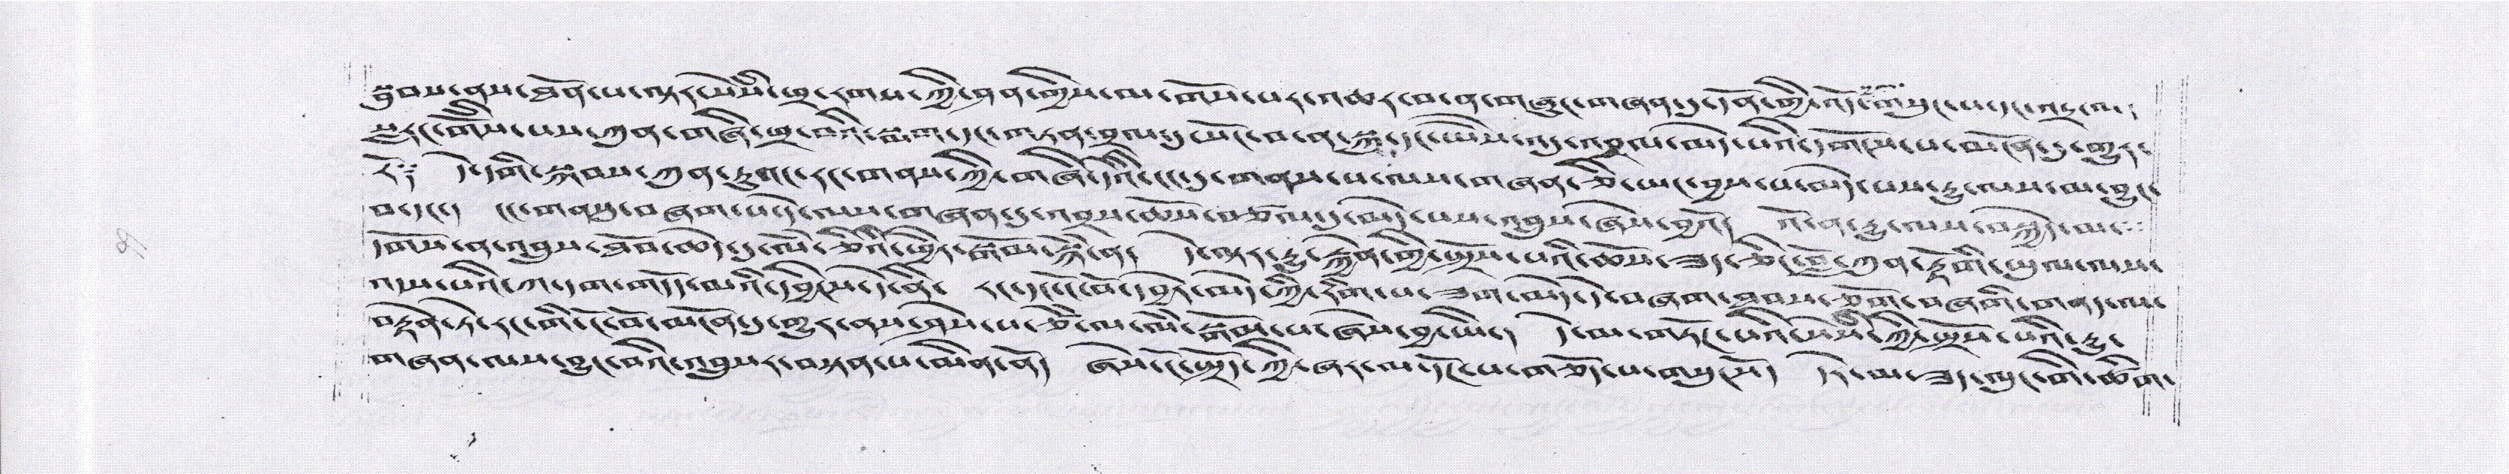སྦུབས་ནས་ཐོན་པ་ལྟར་སེམས་ཕྲ་རགས་ཀྱིས་ཤན་གྱིས་མ་གོས་པར་འཆར་བ་ན་གཞུང་གཞན་དུ་དོན་གྱི་འོད་གསལ་དུ་གསུངས་པ་དང་འདྲ་ལ། 
སླར་ཡང་ཀུན་གཞི་ཕྲ་བའི་སྨག་དང་གཏན་བྲལ་དུ་སོང་བ་ན་སྐུ་དང་ཡེ་ཤེས་འདུ་འབྲལ་མེད་པའི་དགོངས་པ་མངོན་དུ་གྱུར་
རོ། དེ་དག་གི་སྐབས་ཀུན་ཏུའང་རང་གནས་ཀྱི་གཞི་དེའི་ངང་དུ་གནས་པ་ལས་གཞན་ཅི་ཡང་བྱས་པ་མེད་པས་རྒྱུ་ལས་མ་བྱུང་
བ་དང་། ངང་གནས་སུ་བཞག་པ་དེ་ལས་གཞན་དུ་འབྲས་ཆོས་བཙལ་དུ་མེད་པས་འབྲས་བུ་ཞེས་བྱའོ། འོ་ན་རྒྱུ་ལས་བསྐྱེད་མ་
དགོས་ན་འབྲས་བུ་ཐོབ་ཆེད་དུ་ལམ་ཅིའི་ཕྱིར་བསྒོམ་སྙམ་ན། དེ་ལྟར་རྒྱུ་རྐྱེན་གྱིས་སྤྲོས་པའི་ཆོས་ཟད་ཅིང་བློ་ཀུན་རྟོག་གི་ཡུལ་ལས་
འདས་པའི་ཀ་དག་གདོད་མའི་དབྱིངས་དེ་ནི། རང་དང་ངོ་བོ་དབྱེར་མེད་ཀྱི་རིག་པ་ཟག་མེད་དེ་བཞག་ཐབས་ཅོག་བཞག་གི་གནད་ལ་
བརྟེན་ཏེ་རང་གི་ངོ་བོ་མངོན་དུ་གྱུར་ནས་ཤེས་པ་ཙམ་ལ་ལམ་བསྒོམ་པ་ཞེས་བྱ་ཡི། དེ་མ་གཏོགས་པའི་སེམས་ཀྱི་སྤྲོས་པའི་རྒྱུ་
གཞན་ལས་བྱུང་བའི་འབྲས་བུར་བསྟན་པ་མིན་ནོ། ཞེས་ངོ་སྤྲོད་ཀྱི་ཞར་ལ་དྭོགས་པ་གཅོད་པ་གསུངས་སོ། དེར་མ་ཟད་ལུང་གི་ཚིག་